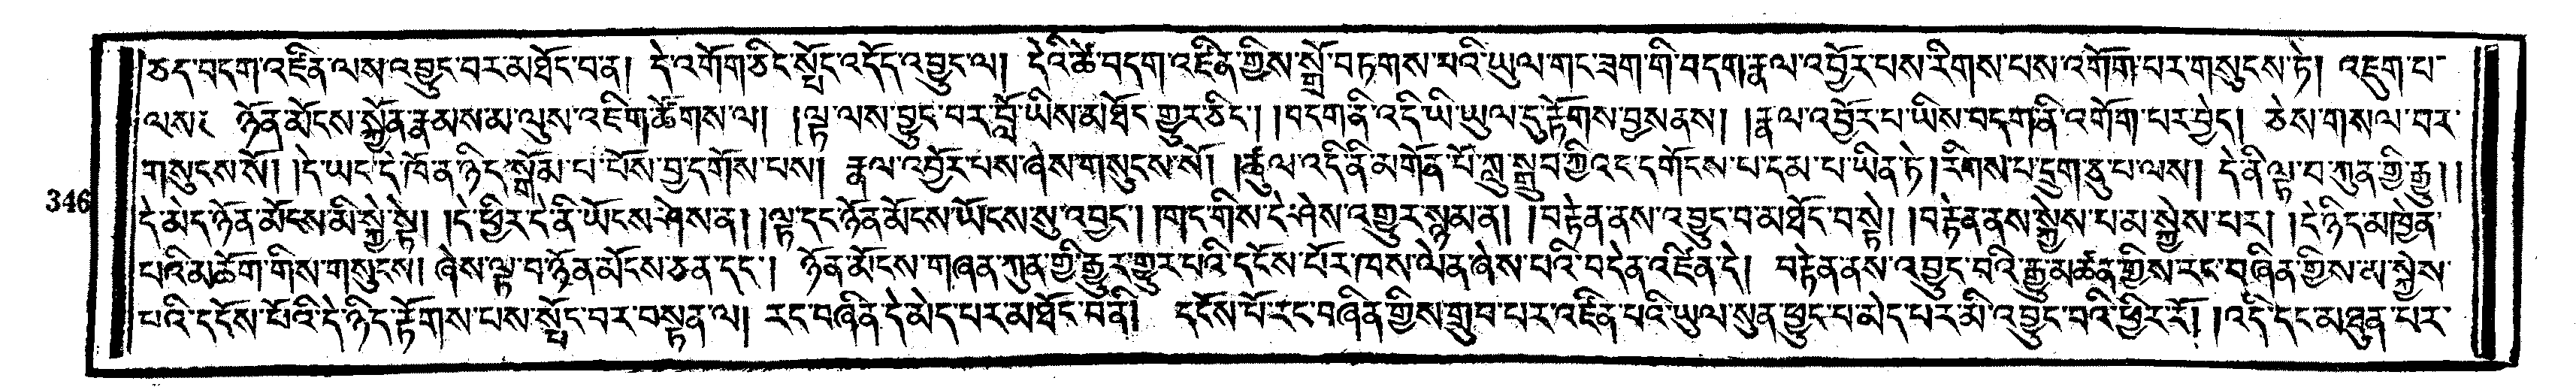ཅད་བདག་འཛིན་ལས་འབྱུང་བར་མཐོང་བ་ན། དེ་འགོག་ཅིང་སྤོང་འདོད་འབྱུང་ལ། དེའི་ཚེ་བདག་འཛིན་གྱི་སྒྲོ་བཏགས་པའི་ཡུལ་གང་ཟག་གི་བདག་རྣལ་འབྱོར་པས་རིགས་པས་འགོག་པར་གསུངས་ཏེ། འཇུག་པ་
ལས༑ ཉོན་མོངས་སྐྱོན་རྣམས་མ་ལུས་འཇིག་ཚོགས་ལ། །ལྟ་ལས་བྱུང་བར་བློ་ཡིས་མཐོང་གྱུར་ཅིང་། །བདག་ནི་འདི་ཡི་ཡུལ་དུ་རྟོགས་བྱས་ནས། རྣལ་འབྱོར་པ་ཡིས་བདག་ནི་འགོག་པར་བྱེད། ཅེས་གསལ་བར་
གསུངས་སོ། །དེ་ཡང་དེ་ཁོ་ན་ཉིད་སྒོམ་པ་པོས་བྱ་དགོས་པས། རྣལ་འབྱོར་པས་ཞེས་གསུངས་སོ། །ཚུལ་འདི་ནི་མགོན་པོ་ཀླུ་སྒྲུབ་ཀྱིའང་དགོངས་པ་དམ་པ་ཡིན་ཏེ། རིགས་པ་དྲུག་ཅུ་པ་ལས། དེ་ནི་ལྟ་བ་ཀུན་གྱི་རྒྱུ། །
དེ་མེད་ཉོན་མོངས་མི་སྐྱེ་སྟེ། །དེ་ཕྱིར་དེ་ནི་ཡོངས་ཤེས་ན། །ལྟ་དང་ཉོན་མོངས་ཡོངས་སུ་འབྱང་། །གང་གིས་དེ་ཤེས་འགྱུར་སྙམ་ན། །བརྟེན་ནས་འབྱུང་བ་མཐོང་བ་སྟེ། །བརྟེན་ནས་སྐྱེས་པ་མ་སྐྱེས་པར། །དེ་ཉིད་མཁྱེན་
པའི་མཆོག་གིས་གསུངས། ཞེས་ལྟ་བ་ཉོན་མོངས་ཅན་དང་། ཉོན་མོངས་གཞན་ཀུན་གྱི་རྒྱུར་གྱུར་པའི་དངོས་པོར་ཁས་ལེན་ཞེས་པའི་བདེན་འཛིན་དེ། བརྟེན་ནས་འབྱུང་བའི་རྒྱུ་མཚན་གྱིས་རང་བཞིན་གྱིས་མ་སྐྱེས་
པའི་དངོས་པོའི་དེ་ཉིད་རྟོགས་པས་སྤོང་བར་བསྟན་ལ། རང་བཞིན་དེ་མེད་པར་མཐོང་བ་ནི། དངོས་པོ་རང་བཞིན་གྱིས་གྲུབ་པར་འཛིན་པའི་ཡུལ་སུན་ཕྱུང་པ་མེད་པར་མི་འབྱུང་བའི་ཕྱིར་རོ། །འདི་དང་མཐུན་པར་